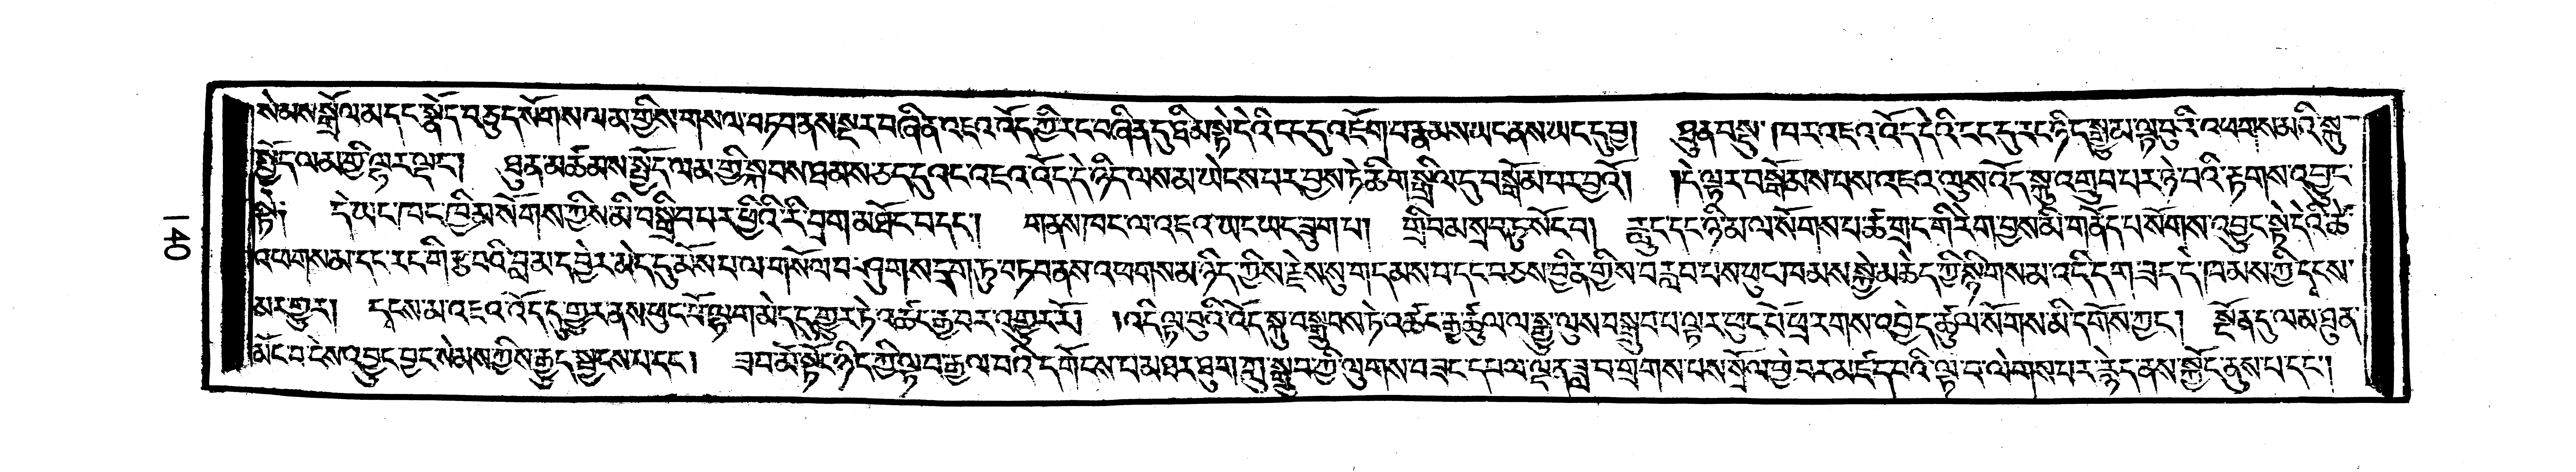སེམས་སྒྲོལ་མ་དང་སྣོད་བཅུད་སོགས་ལམ་གྱིས་གསལ་བཏབ་ནས་སྔར་བཞིན་འཇའ་འོད་ཀྱི་རང་བཞིན་དུ་ཐིམ་སྟེ་དེའི་ངང་དུ་འཇོག་པ་རྣམས་ཡང་ནས་ཡང་དུ་བྱ། ཐུན་བསྡུ་ཁར་འཇའ་འོད་དེའི་ངང་དུ་རང་ཉིད་སྒྱུ་མ་ལྟ་བུའི་འཕགས་མའི་སྐུ་
སྤྱོད་ལམ་གྱི་ལྟར་ལྡང་། ཐུན་མཚམས་སྤྱོད་ལམ་གྱི་སྐབས་ཐམས་ཅད་དུའང་འཇའ་འོད་དེ་ཉིད་ལས་མ་ཡེངས་པར་བྱས་ཏེ་ཆིག་དྲིལ་དུ་བསྒོམ་པར་བྱའོ། །དེ་ལྟར་བསྒོམས་པས་འཇའ་ལུས་འོད་སྐུ་འགྲུབ་པར་ཉེ་བའི་རྟགས་འབྱུང་
སྟེ༑ དེ་ཡང་ཁང་ཁྱིམ་སོགས་ཀྱིས་མི་བསྒྲིབ་པར་ཕྱིའི་རི་ཕྲག་མཐོང་བ་དང་། གནས་ཁང་ལ་འཇའ་ཡང་ཡང་ཟུག་པ། གྲིབ་མ་སྲབ་ཏུ་སོང་བ། རླུང་དང་ཉི་མ་ལ་སོགས་པ་ཚ་གྲང་གི་རེག་བྱས་མི་གནོད་པ་སོགས་འབྱུང་སྟེ་དེའི་ཚེ་
འཕགས་མ་དང་རང་གི་རྩ་བའི་བླ་མ་དབྱེར་མེད་དུ་མོས་པ་ལ་གསོལ་བ་ཤུགས་དྲག་ཏུ་བཏབ་ནས་འཕགས་མ་ཉིད་ཀྱིས་རྗེས་སུ་གདམས་པ་དང་བཅས་བྱིན་གྱིས་བརླབས་པས་ཕུང་ཁམས་སྐྱེ་མཆེད་ཀྱི་སྙིགས་མ་འདི་དག་ཟད་དེ་ཁམས་ཀྱི་དྭངས་
མར་གྱུར། དྭངས་མ་འཇའ་འོད་དུ་གྱུར་ནས་ཕུང་པོ་ལྷག་མེད་དུ་གྱུར་ཏེ་འཚང་རྒྱ་བར་འགྱུར་རོ། །འདི་ལྟ་བུའི་འོད་སྐུ་བསྒྲུབས་ཏེ་འཚང་རྒྱ་ཚུལ་ལ་སྒྱུ་ལུས་བསྒྲུབ་པ་ལྟར་ཕུང་པོ་ཕྲ་རགས་འབྱེད་ཚུལ་སོགས་མི་དགོས་ཀྱང་། སྔོན་དུ་ལ་མཐུན་
མོང་བ་ངེས་འབྱུང་བྱང་སེམས་ཀྱིས་རྒྱུད་སྦྱངས་པ་དང་། ཟབ་མོ་སྟོང་ཉིད་ཀྱི་ལྟ་བ་རྒྱལ་བའི་དགོངས་པ་མཐར་ཐུག་ཀླུ་སྒྲུབ་ཀྱི་ལུགས་བཟང་དཔལ་ལྡན་ཟླ་བ་གྲགས་པས་སྲོལ་ཕྱེ་བར་མཛད་པའི་ལྟ་བ་ལེགས་པར་རྙེད་ནས་སྐྱོང་ནུས་པ་དང་།